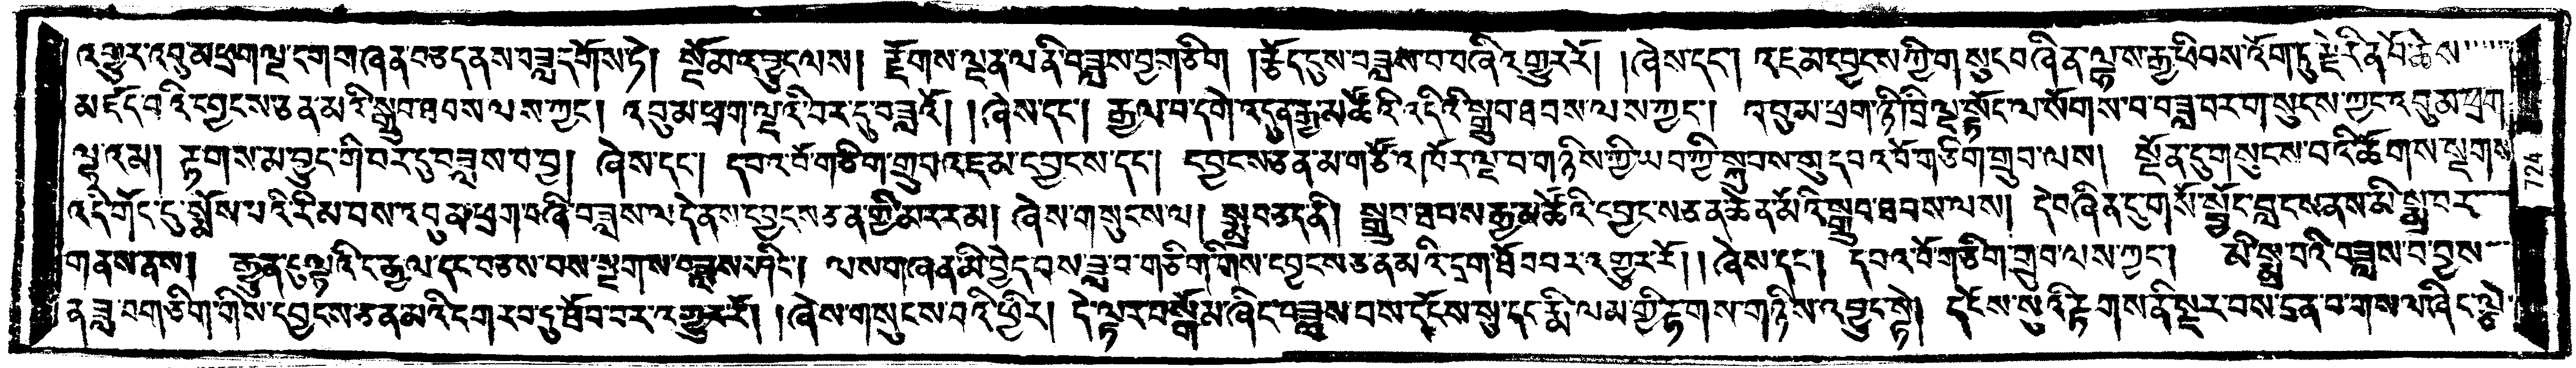འགྱུར་འབུམ་ཕྲག་སྔ་དག་གཞན་བཅད་ནས་བཟལ་དགོས་ཏེ། སྔོམ་འབྱུང་ལས། རྫོགས་ལྡན་ལ་ནི་བཟླས་བྱ་གཅིག །རྩོད་དུས་བཟླས་བ་བཞི་འགྱུར་རོ། །ཞེས་དང་། འཇམ་དབྱངས་ཀྱི་གསུང་བཞིན་ལྷ་ས་རྒྱ་ཕིབས་འོག་ཏུ་རྫེ་རིན་པོ་ཆེས་
མཛད་པའི་དབྱངས་ཅན་མའི་སྒྲུབ་ཐབས་ལས་ཀྱང་། འབུམ་ཕྲག་ལྔའི་བར་དུ་བཟླའོ། །ཞེས་དང་། རྒྱལ་པ་དགེ་འདུན་རྒྱ་མཚོའི་འདིའི་སྒྲུབ་ཐབས་ལས་ཀྱང་། འབུམ་ཕྲག་ཉི་ཁྲི་ལྔ་སྟོང་ལ་སོགས་བ་བཟླ་བར་གསུངས་ཀྱང་འབུམ་ཕྲག་
ལྔ་འམ། རྟགས་མ་བྱུང་གི་བར་དུ་བཟླས་བ་བྱ། ཞེས་དང་། དབའ་བོ་གཅིག་གྲུབ་འཇམ་དབྱངས་དང་། དབྱངས་ཅན་མ་གཙོ་འཁོར་ལྔ་བ་གཉིས་ཀྱི་ཡབ་ཀྱི་སྐུབས་སུ་དབའ་བོ་གཅིག་གྲུབ་ལས། སྔོན་དུ་གསུངས་བའི་ཚོགས་སྔགས་
འདི་གོང་དུ་སྨོས་པའི་རིམ་བས་འབུམ་ཕྲག་བཞི་བཟླས་ལ་དེ་ནས་དབྱངས་ཅན་གྱི་མར་རམ། ཞེས་གསུངས་ལ། སྨྲ་བ་ཅན་ནི། སྒྲུབ་ཐབས་རྒྱ་མཚོའི་དབྱངས་ཅན་ཆེན་མོའི་སྒྲུབ་ཐབས་ལས། དེ་བཞིན་དུ་གསོ་སྦྱོང་བླངས་ནས་མི་སྨྲ་བར་
གནས་ནས། རྒྱུན་དུ་ལྟའི་བ་རྒྱལ་དང་བཅས་བས་སྔགས་བཟླས་ཤིང་། ལས་གཞན་མི་བྱེད་བས་ཟླ་བ་གཅིག་གིས་དབྱངས་ཅན་མའི་དྲག་ཐོབ་པར་འགྱུར་རོ། །ཞེས་དང་། དབའ་བོ་གཅིག་གྲབ་ལས་ཀྱང་། མི་སྨྲ་བའི་བཟླས་ལ་བྱས་
ན་ཟླ་བ་གཅིག་གིས་དབྱངས་ཅན་མའི་ངག་རབ་ཏུ་ཐོབ་རར་འགྱུར་རོ། །ཞེས་གསུངས་པའི་ཕྱིར། དེ་ལྟར་བསྒོམ་ཞིང་བཟླས་བས་དངོས་སུ་དང་རྨི་ལམ་གྱི་རྟགས་གཉིས་འབྱུང་སྟེ། དངོས་སུའི་རྟགས་ནི་སྔར་བས་དྲན་བ་གསལ་ཞིང་ལྕེ་